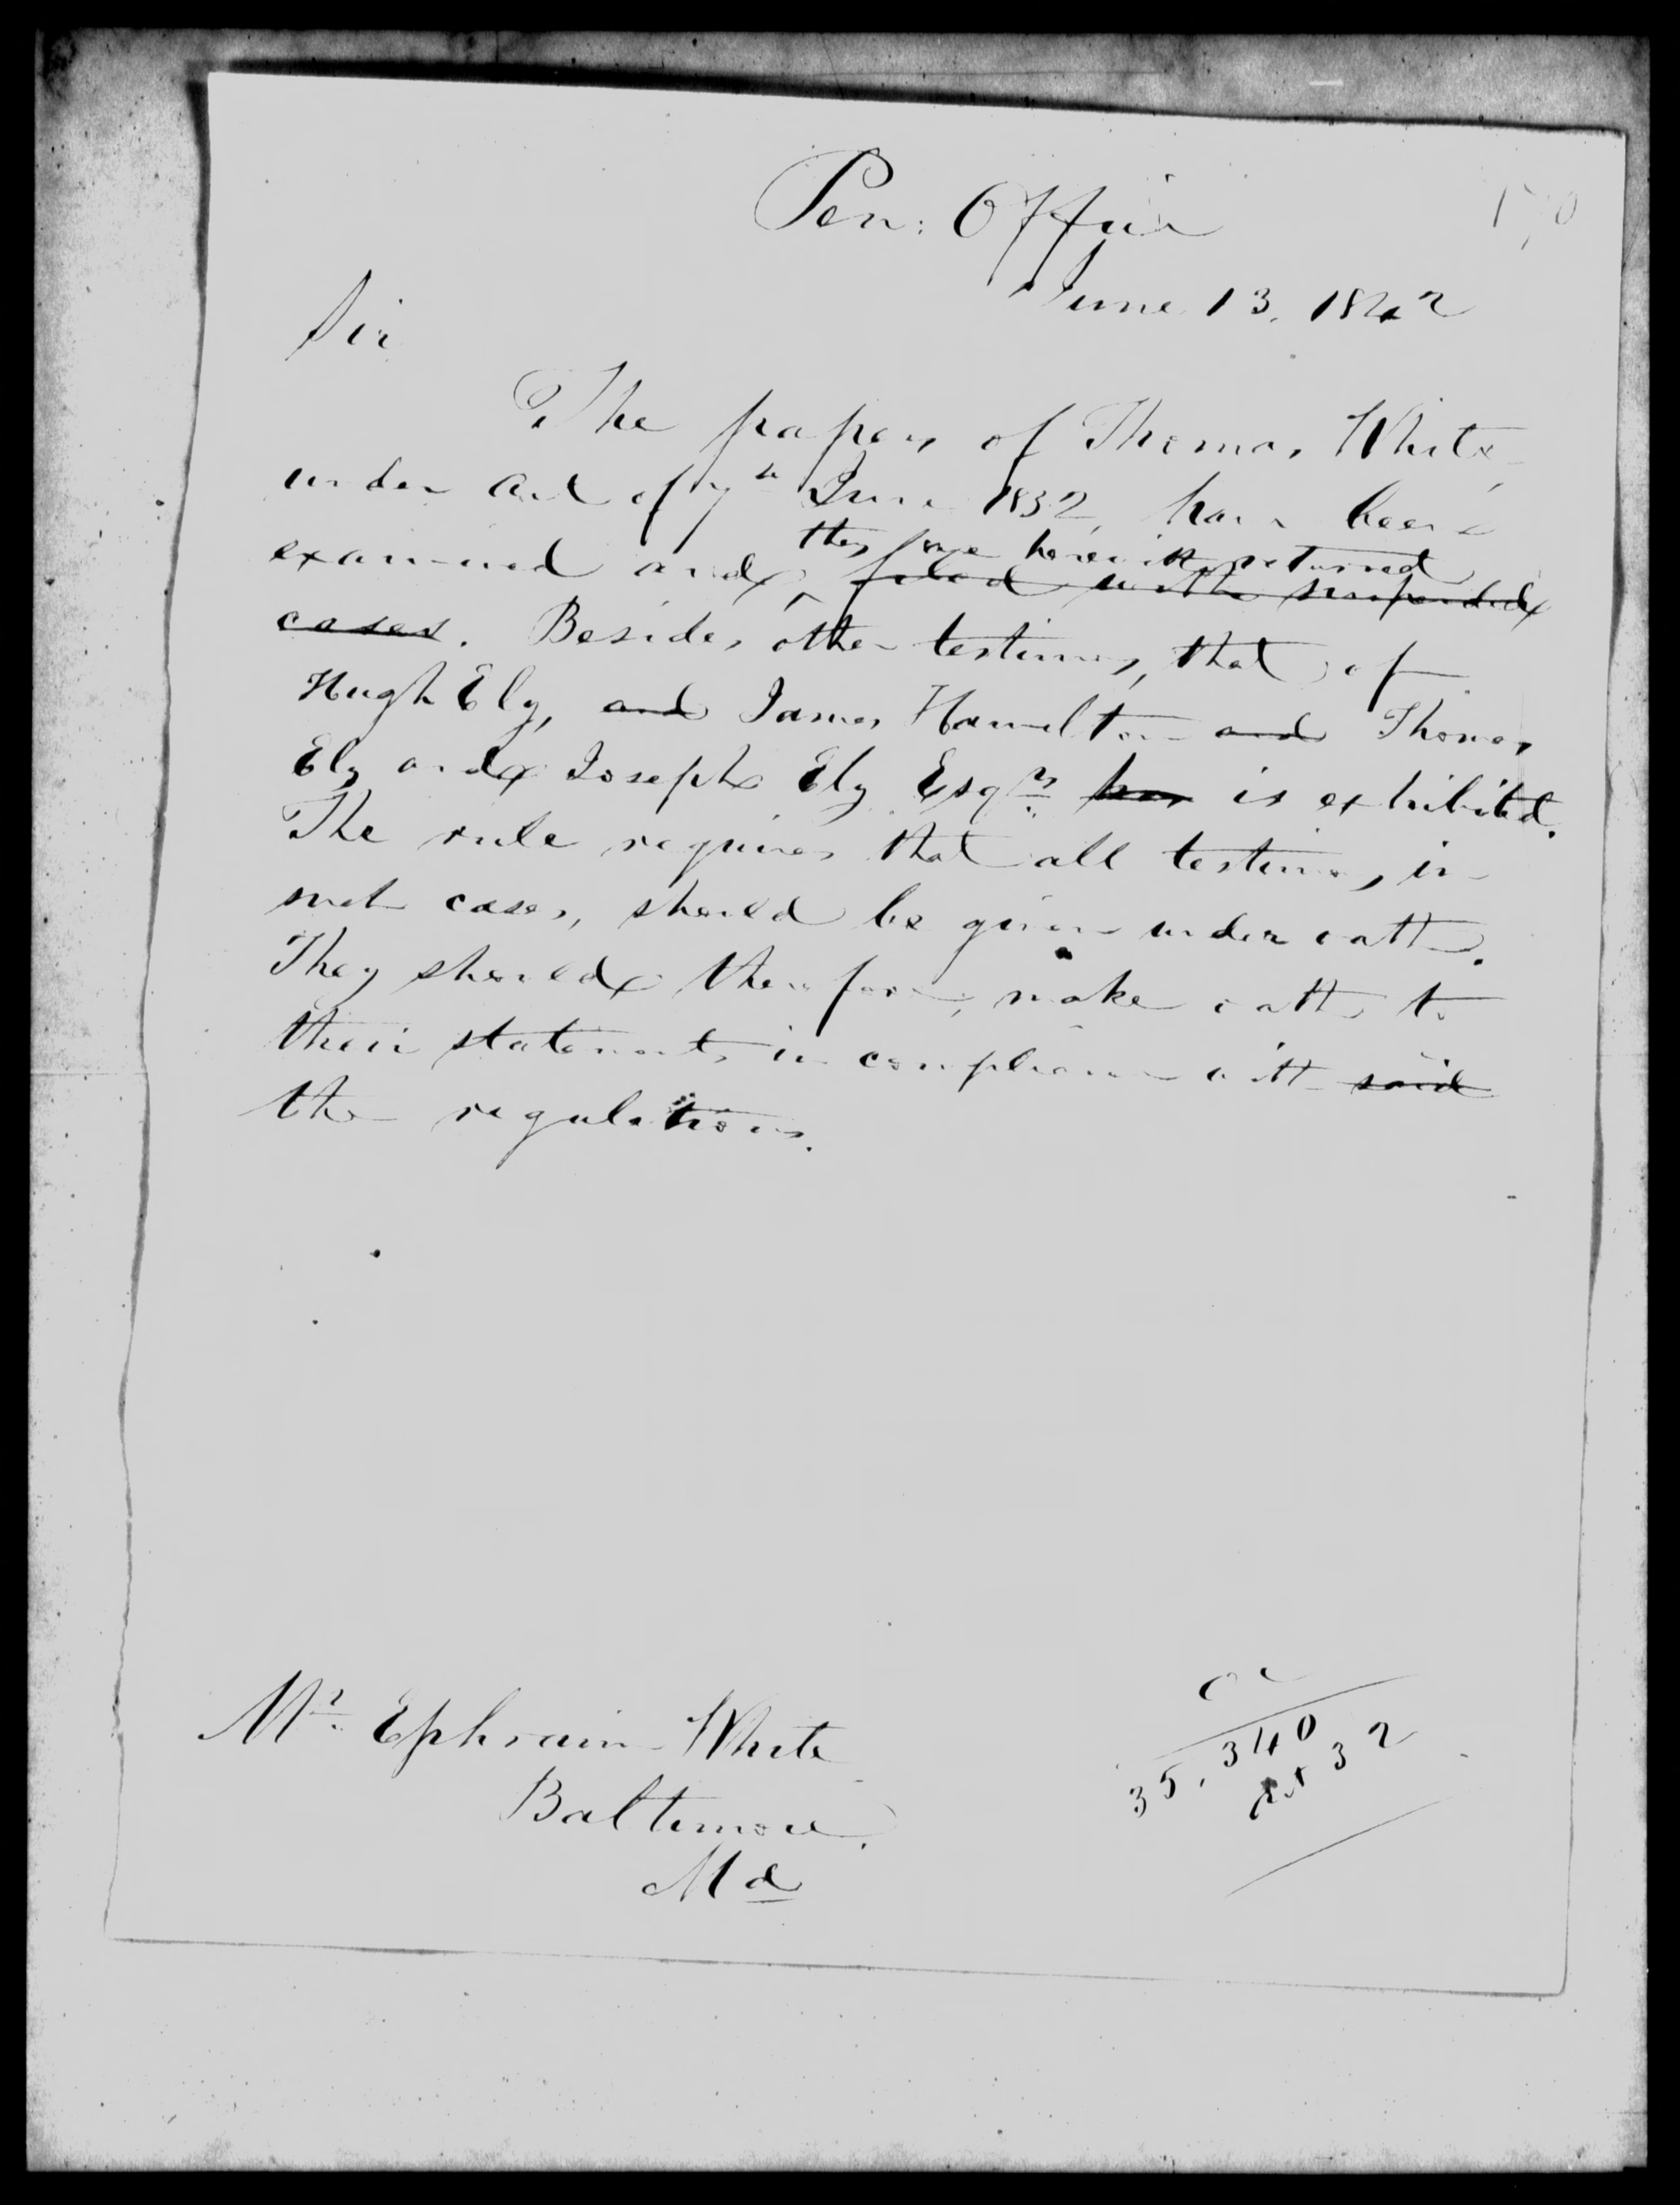Pen: Office
June 13, 1842
Sir 
The papers of Thomas White under act of 7th June 1832, have been examined and therefore herewith returned [filed with illegible crossed out]. Besides other testimony, that of Hugh Ely, [and crossed out] James Hamilton [and crossed out] Thomas Ely and Joseph Ely Esqr [esquire] [illegible crossed out] is exhibited. The rule requires that all testimony in most cases, should be given under oath. They should therefore, make oaths to their statements, in compliance with [said crossed out] the regulations. 
Mr. Ephraim White
Baltimore, MD

OC
35,340
[illegible]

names: Joseph Ely, Ephraim White, Thomas White, Hugh Ely, James Hamilton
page: 38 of 43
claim: survivor's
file: S. 15240, Thomas White, Md.